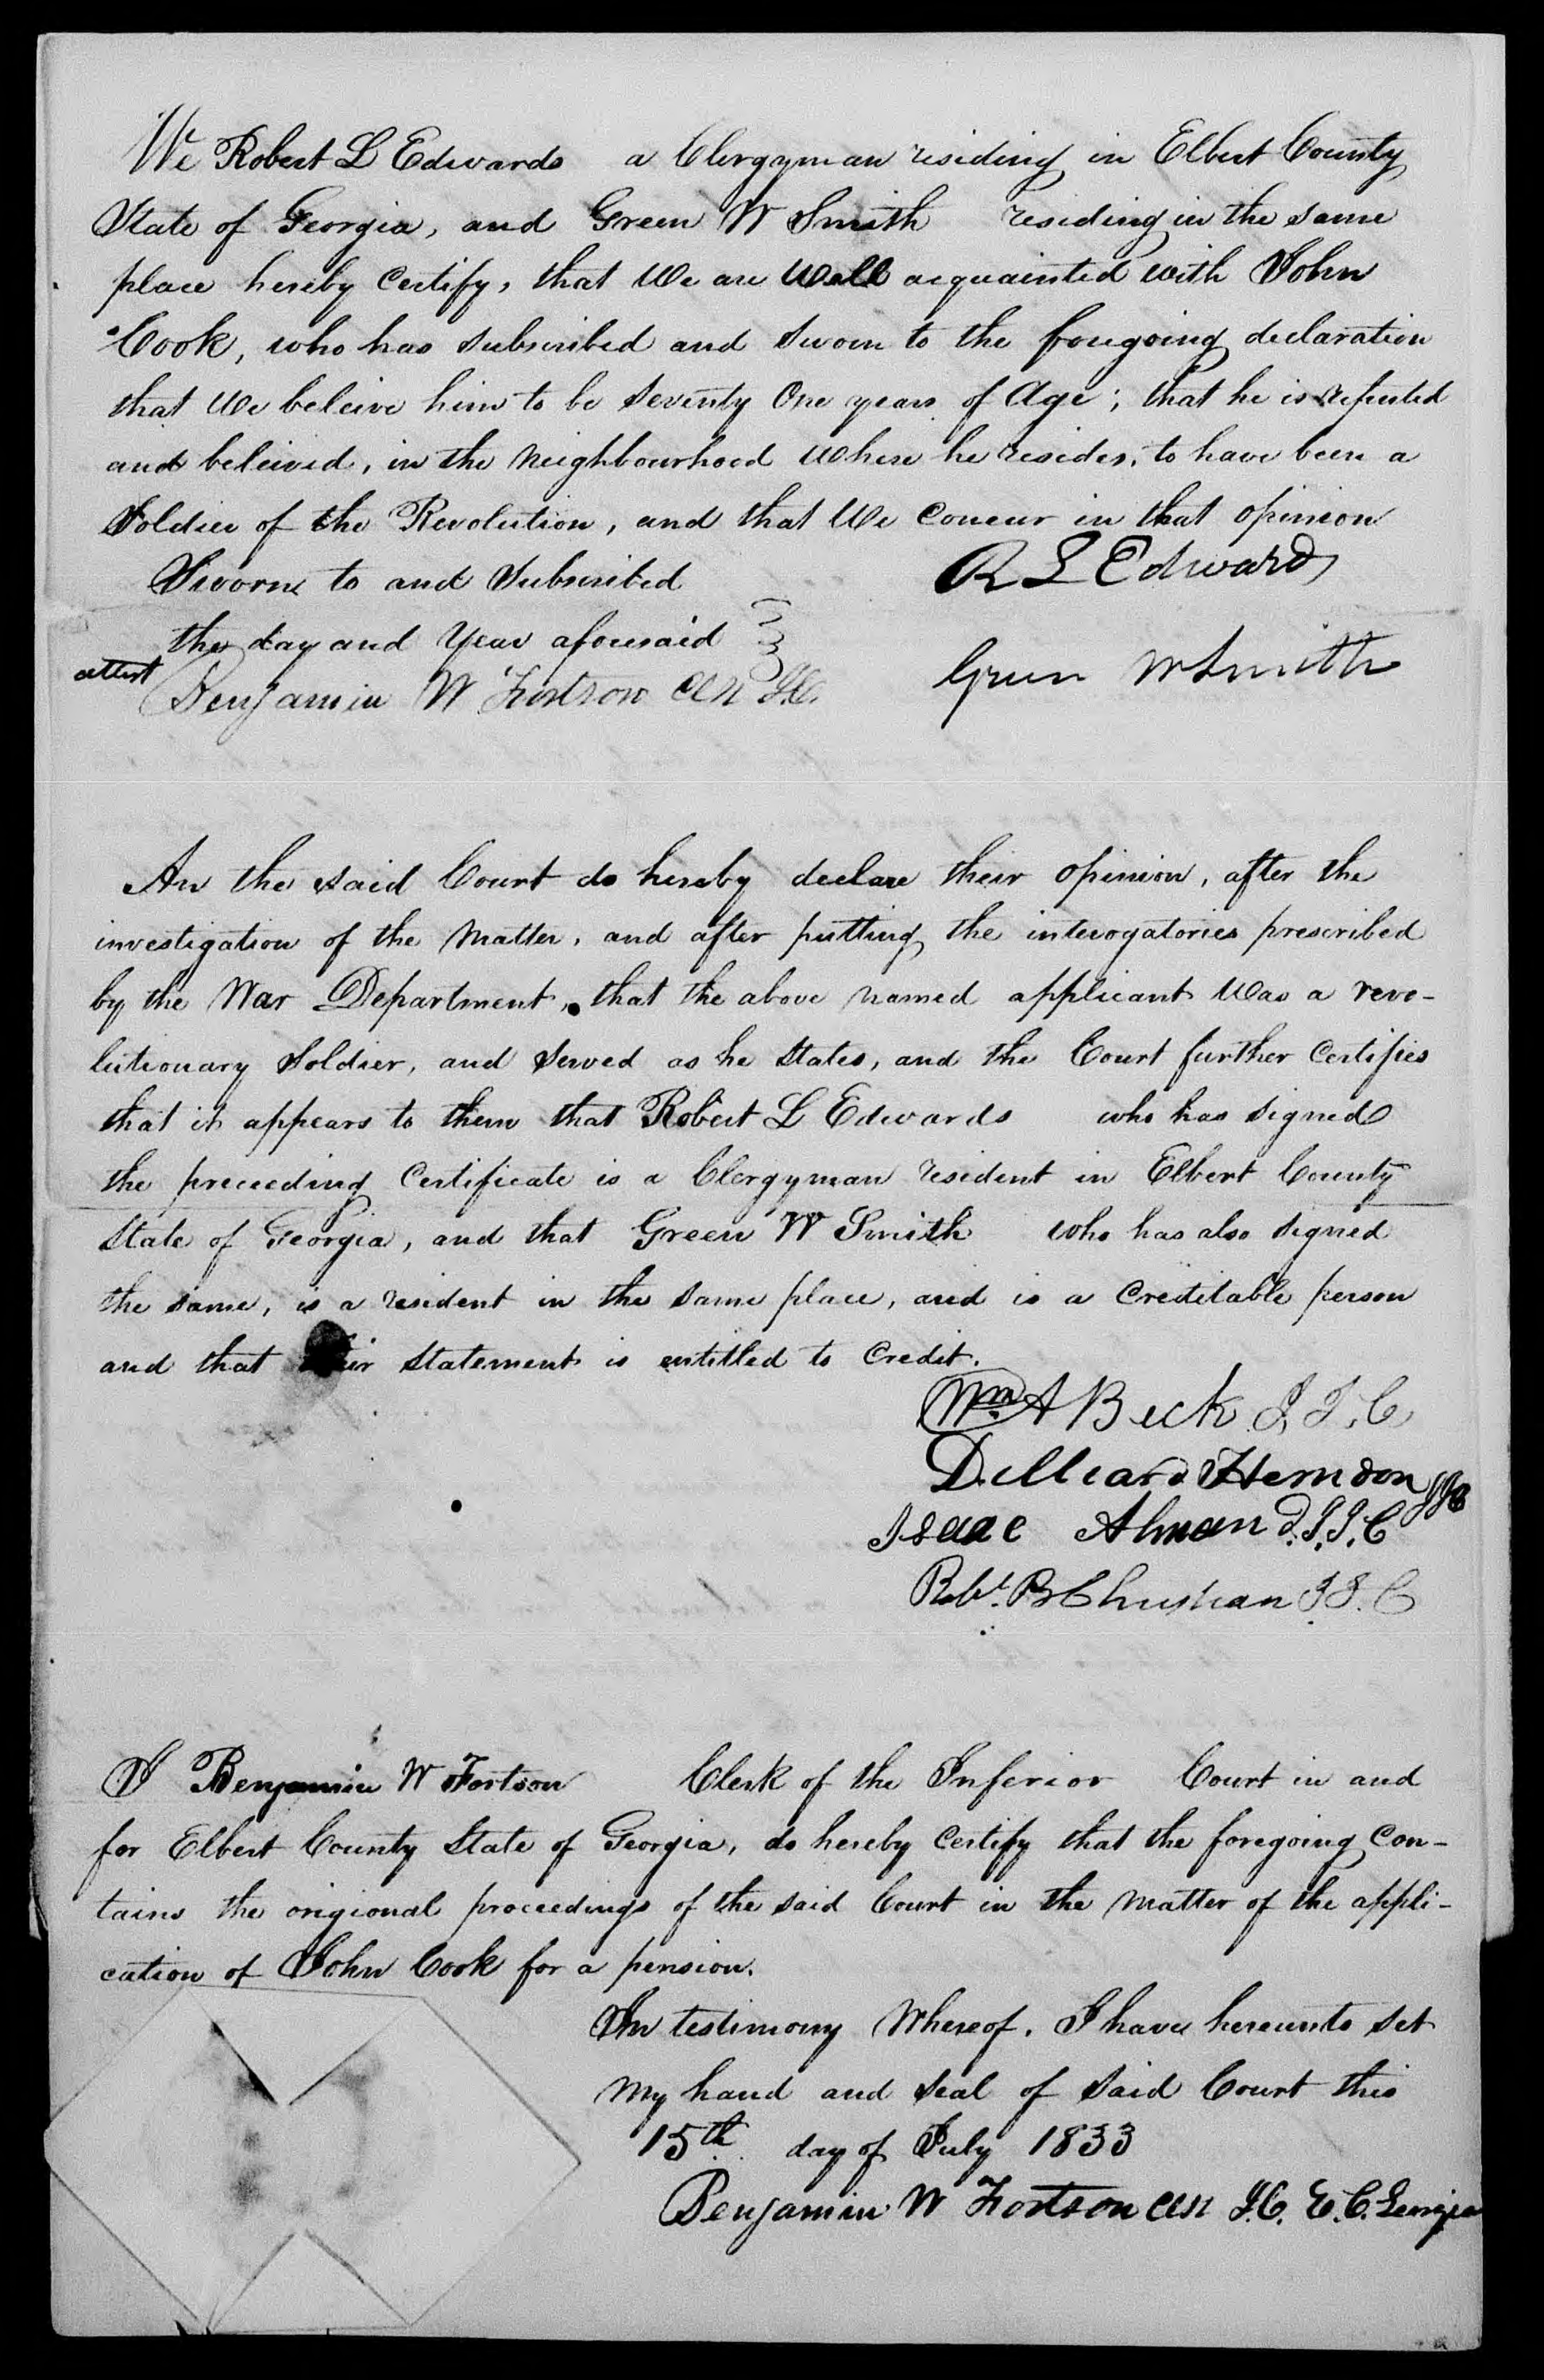We Robert L Edwards a Clergyman residing in Elbert County State of Georgia, and Green W Smith residing in the same place hereby certify, that we are well acquainted with John Cook, who has subscribed and Sworn to the foregoing declaration that we believe him to be Seventy One years of Age; that he is respected and believed, in the neighbourhood where he resides, to have been a Soldier of the Revolution, and that we concur in that opinion.
RL Edwards
Green W Smith
Sworn to and Subscribed
the day and year aforesaid
attest Benjamin W. Fortson Clk J.C.

And the said Court do hereby declare their opinion, after the investigation of the matter, and after putting the interogatories prescribed by the War Department. that the above named applicant was a revolutionary Soldier, and Served as he States, and the Court further certifies that it appears to them that Robert L Edwards who has signed the preceeding certificate is a Clergyman resident in Elbert County State of Georgia, and that Green W Smith who has also signed
Wm. A Beck J J.C.
Dillard Herndon JJC
Isaac Almand J.J.C
Robt. B Christian J.J.C.

I Benjamin W Fortson Clerk of the Inferior Court in and for Elbert County State of Georgia, do hereby certify that the foregoing contains the original proceedings of the said Court in the matter of the application of John Cook for a pension.
(Seal)
  In testimony whereof, I have hereunto set my hand and Seal of Said Court this 15th day of July 1833
Benjamin W Fortson Clk J.C. E.C. Georgia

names: Benjamin W Fortson, Dilliard Herndon, John Cook, Wm A Beck, John Cook, Benjamin W Fortson, Green W Smith, Robert L Edwards, Isaac Almand, Green W Smith, Green W Smith, Robert L Edwards, R L Edwards, Benjamin W Fortson, Robt B Christian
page: 18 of 18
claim: survivor's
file: S. 16,343, John Cook, N.C.